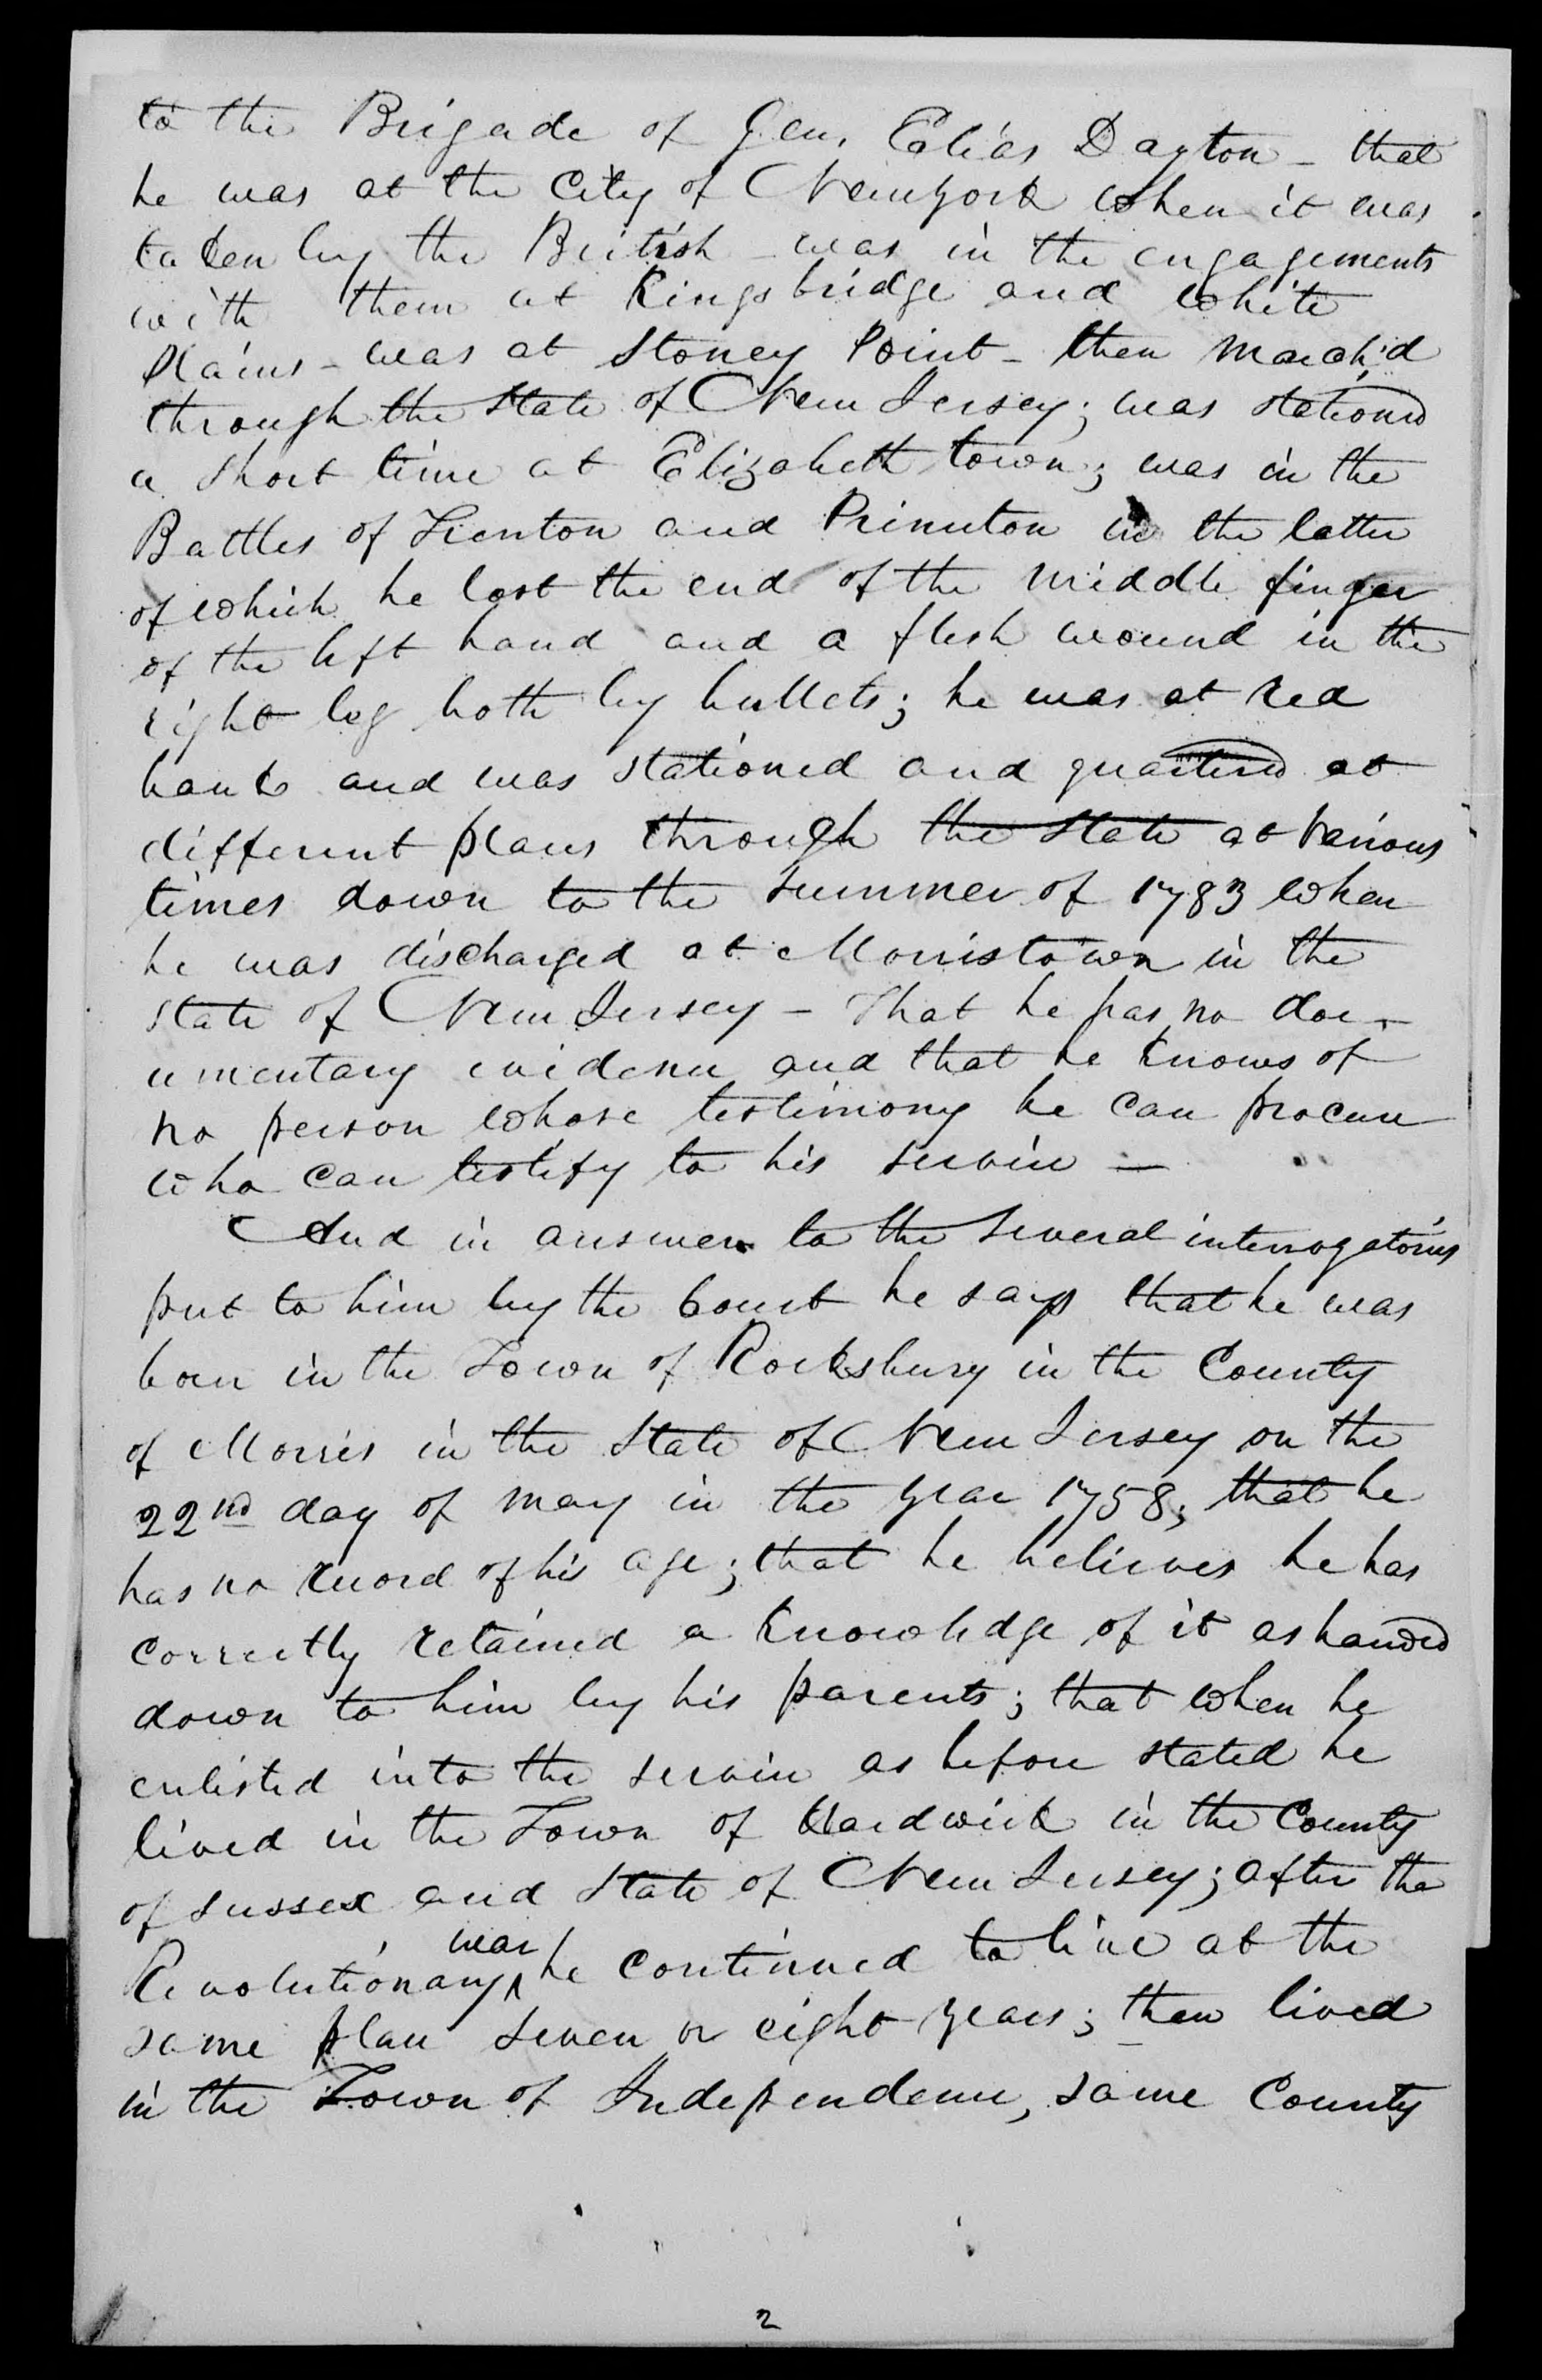to the Brigade of Gen Elias Dayton -  that
he was at the city of New York when it was
taken by the British – was in the [illegible]
with them at Kingsbridge and White 
Plains -was at Stoney Point – then marched
through the State of New Jersey; was stationed 
a short time at Elizabethtown; was in the 
Battles of Trenton and Princeton and the latter
of which he lost the end of the middle finger 
of the left hand and a flesh would in the 
right leg both by bullets; he was at red 
hawks and was stationed and quartered at
different places through the state at previous
times down to the summer of 1783 when
he was discharged at Morristown in the
State of New Jersey – That has no doc-
umentary evidence and that he knows of
no person whose testimony he can procure
who can testify to his service – 
	And in answer to the several interrogatories
put to him by the Court he says that he was
born in the Town of Rocksbury in the County 
of Morris in the state of New Jersey on the
22nd day of May in the year 1758, that he 
has no record of his age; that he believes he has
correctly retained a knowledge of it as handed
down to him by his parents; that when he
enlisted into service as before stated he
lived in the Town of Hardwick in the County 
of Sussex and State of New Jersey; after the 
Revolutionary War he continued to live at the 
same place seven or eight years; then lived 
in the town of Independence, same County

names: Elias Dayton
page: 7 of 40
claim: rejected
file: R. 1,570, Samuel Culver, New Jersey